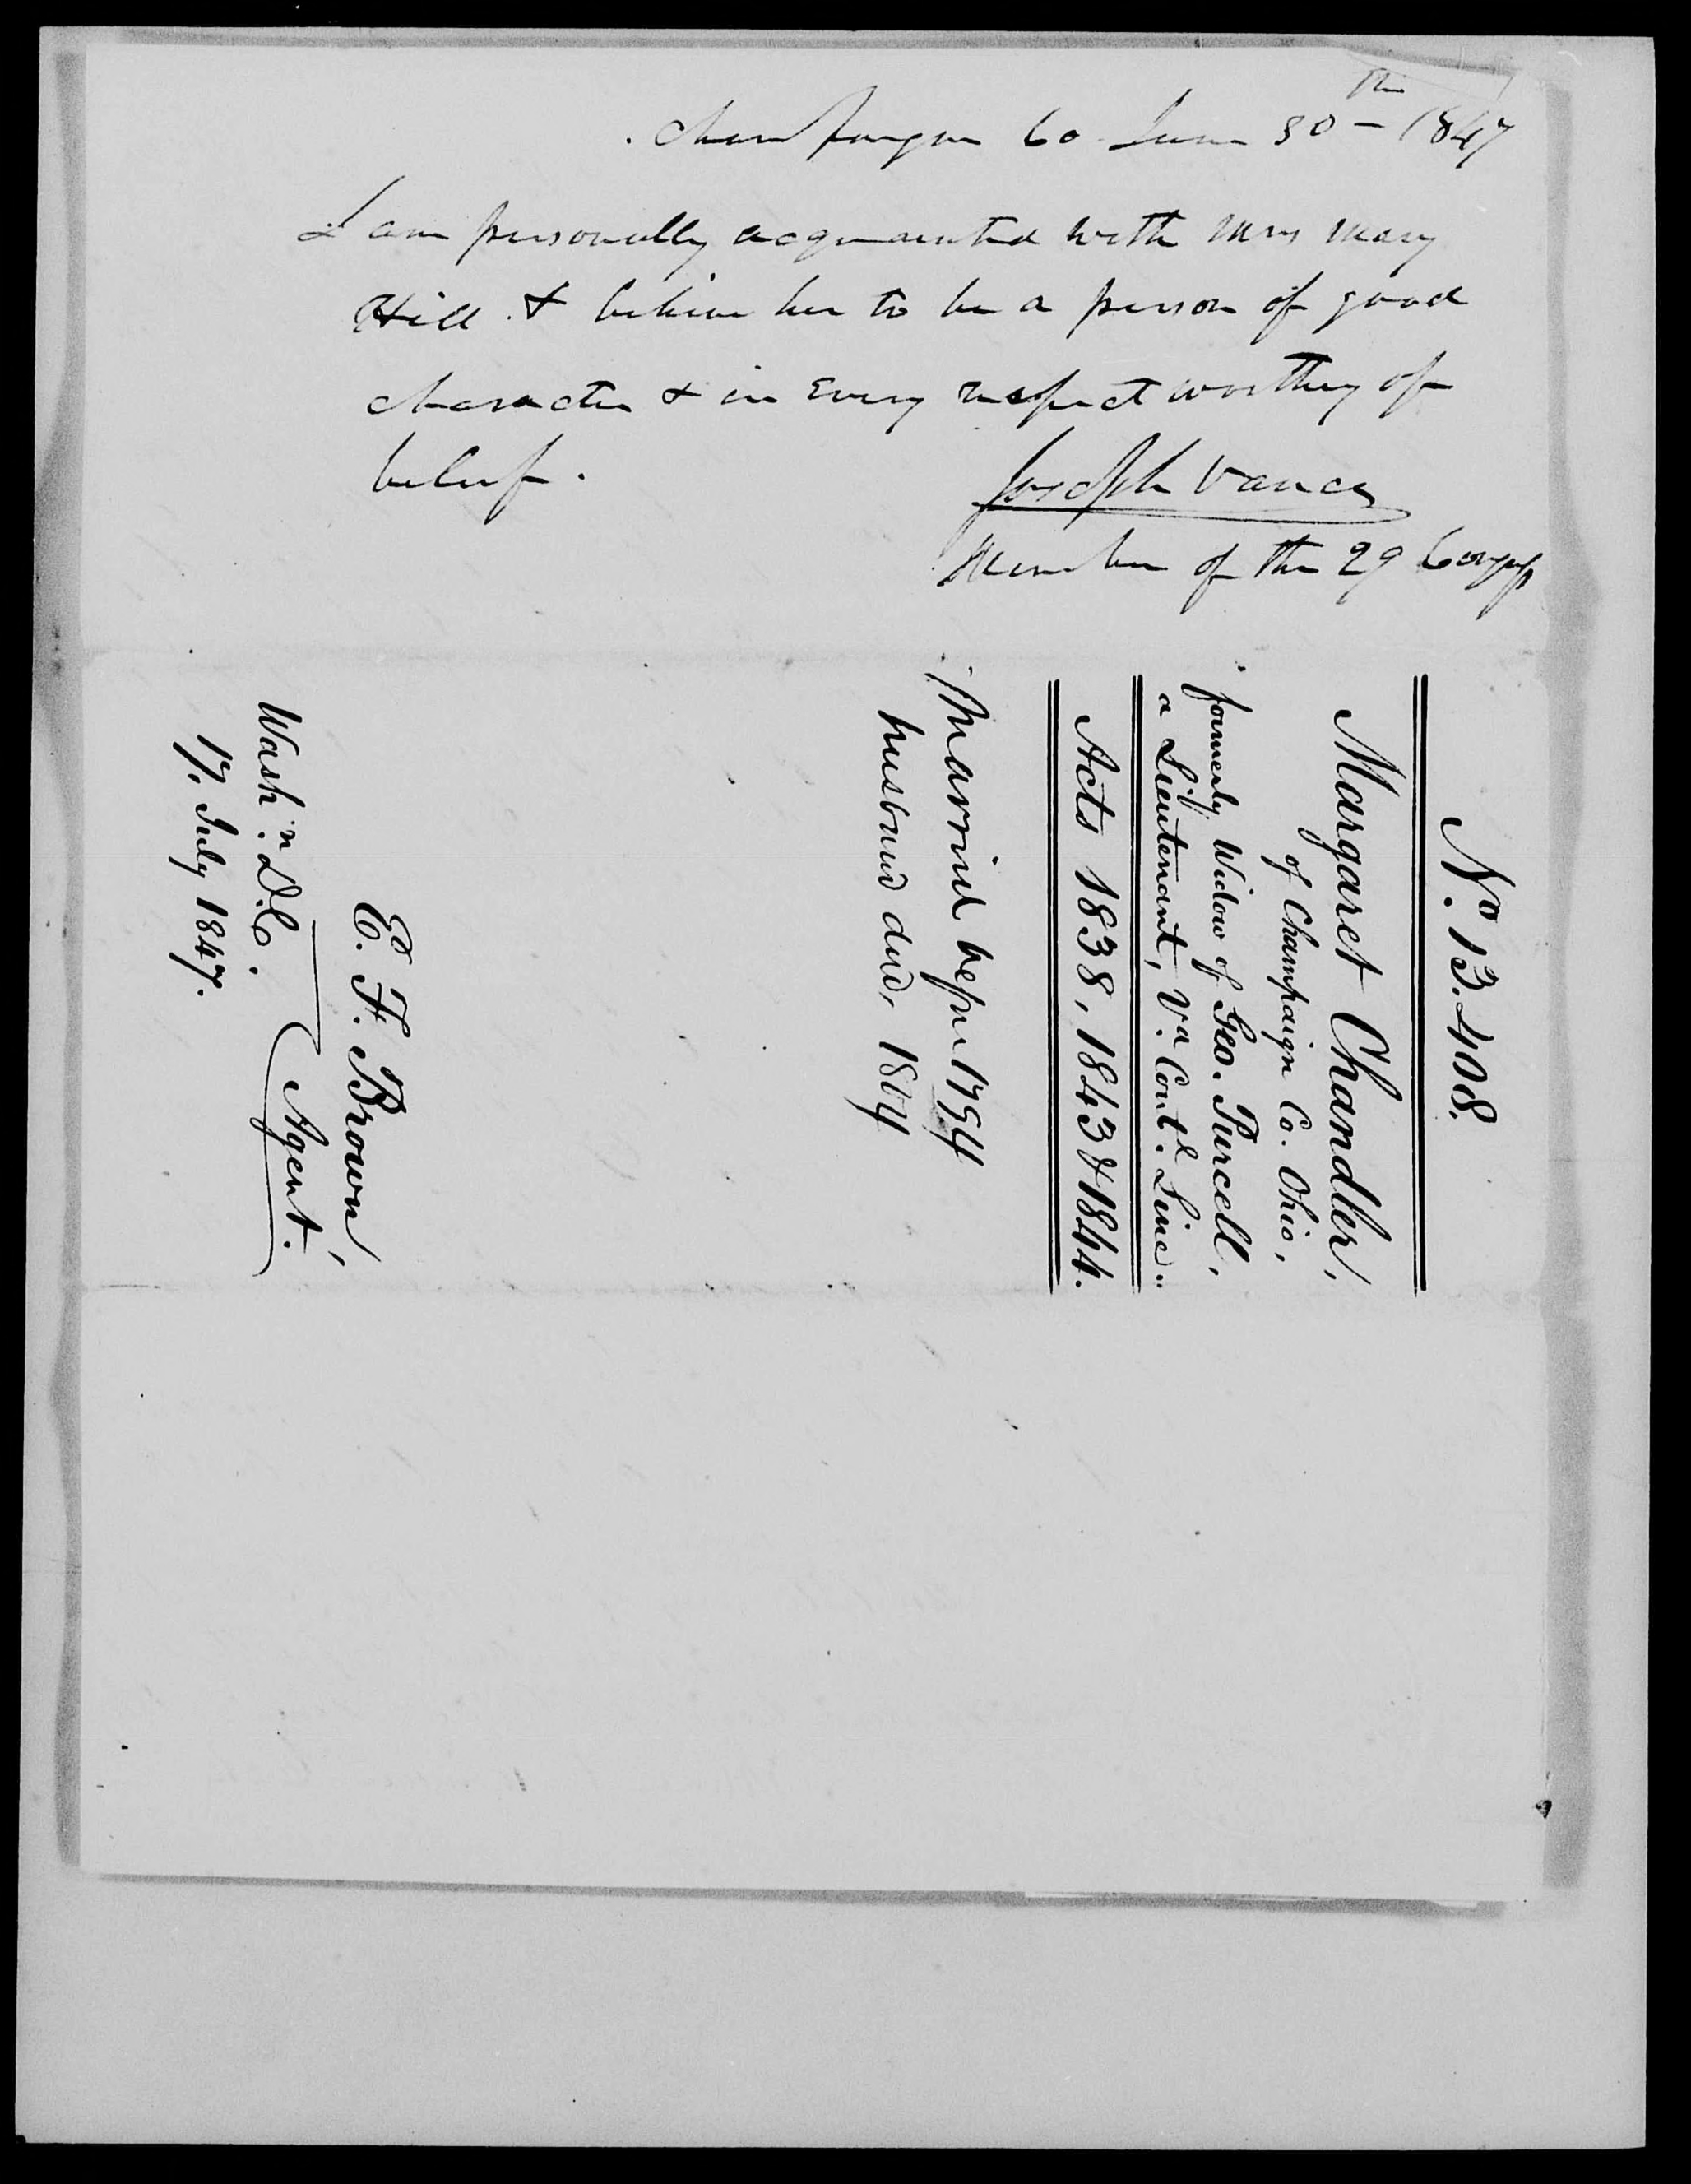Champaign Co June 30th - 1847
I am personally acquainted with Mrs Mary
Hill & believe her to be a person of good
character & in Every respect worthy of
belief.
Joseph Vance
Member of the 29 Congress

No. 13,408.
Margaret Chandler,
of Champaign Co. Ohio,
formerly Widow of Geo. Purcell,
a Lieutenant, Va. Contl. Line.
Acts 1838, 1843 & 1844.
Married Sepm 1754
husband died 1804

E. F. Brown,
Washn. D.C.} Agent.
17, July 1847.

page: 8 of 86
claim: widow's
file: W. 6661, for George Purcell, Virginia